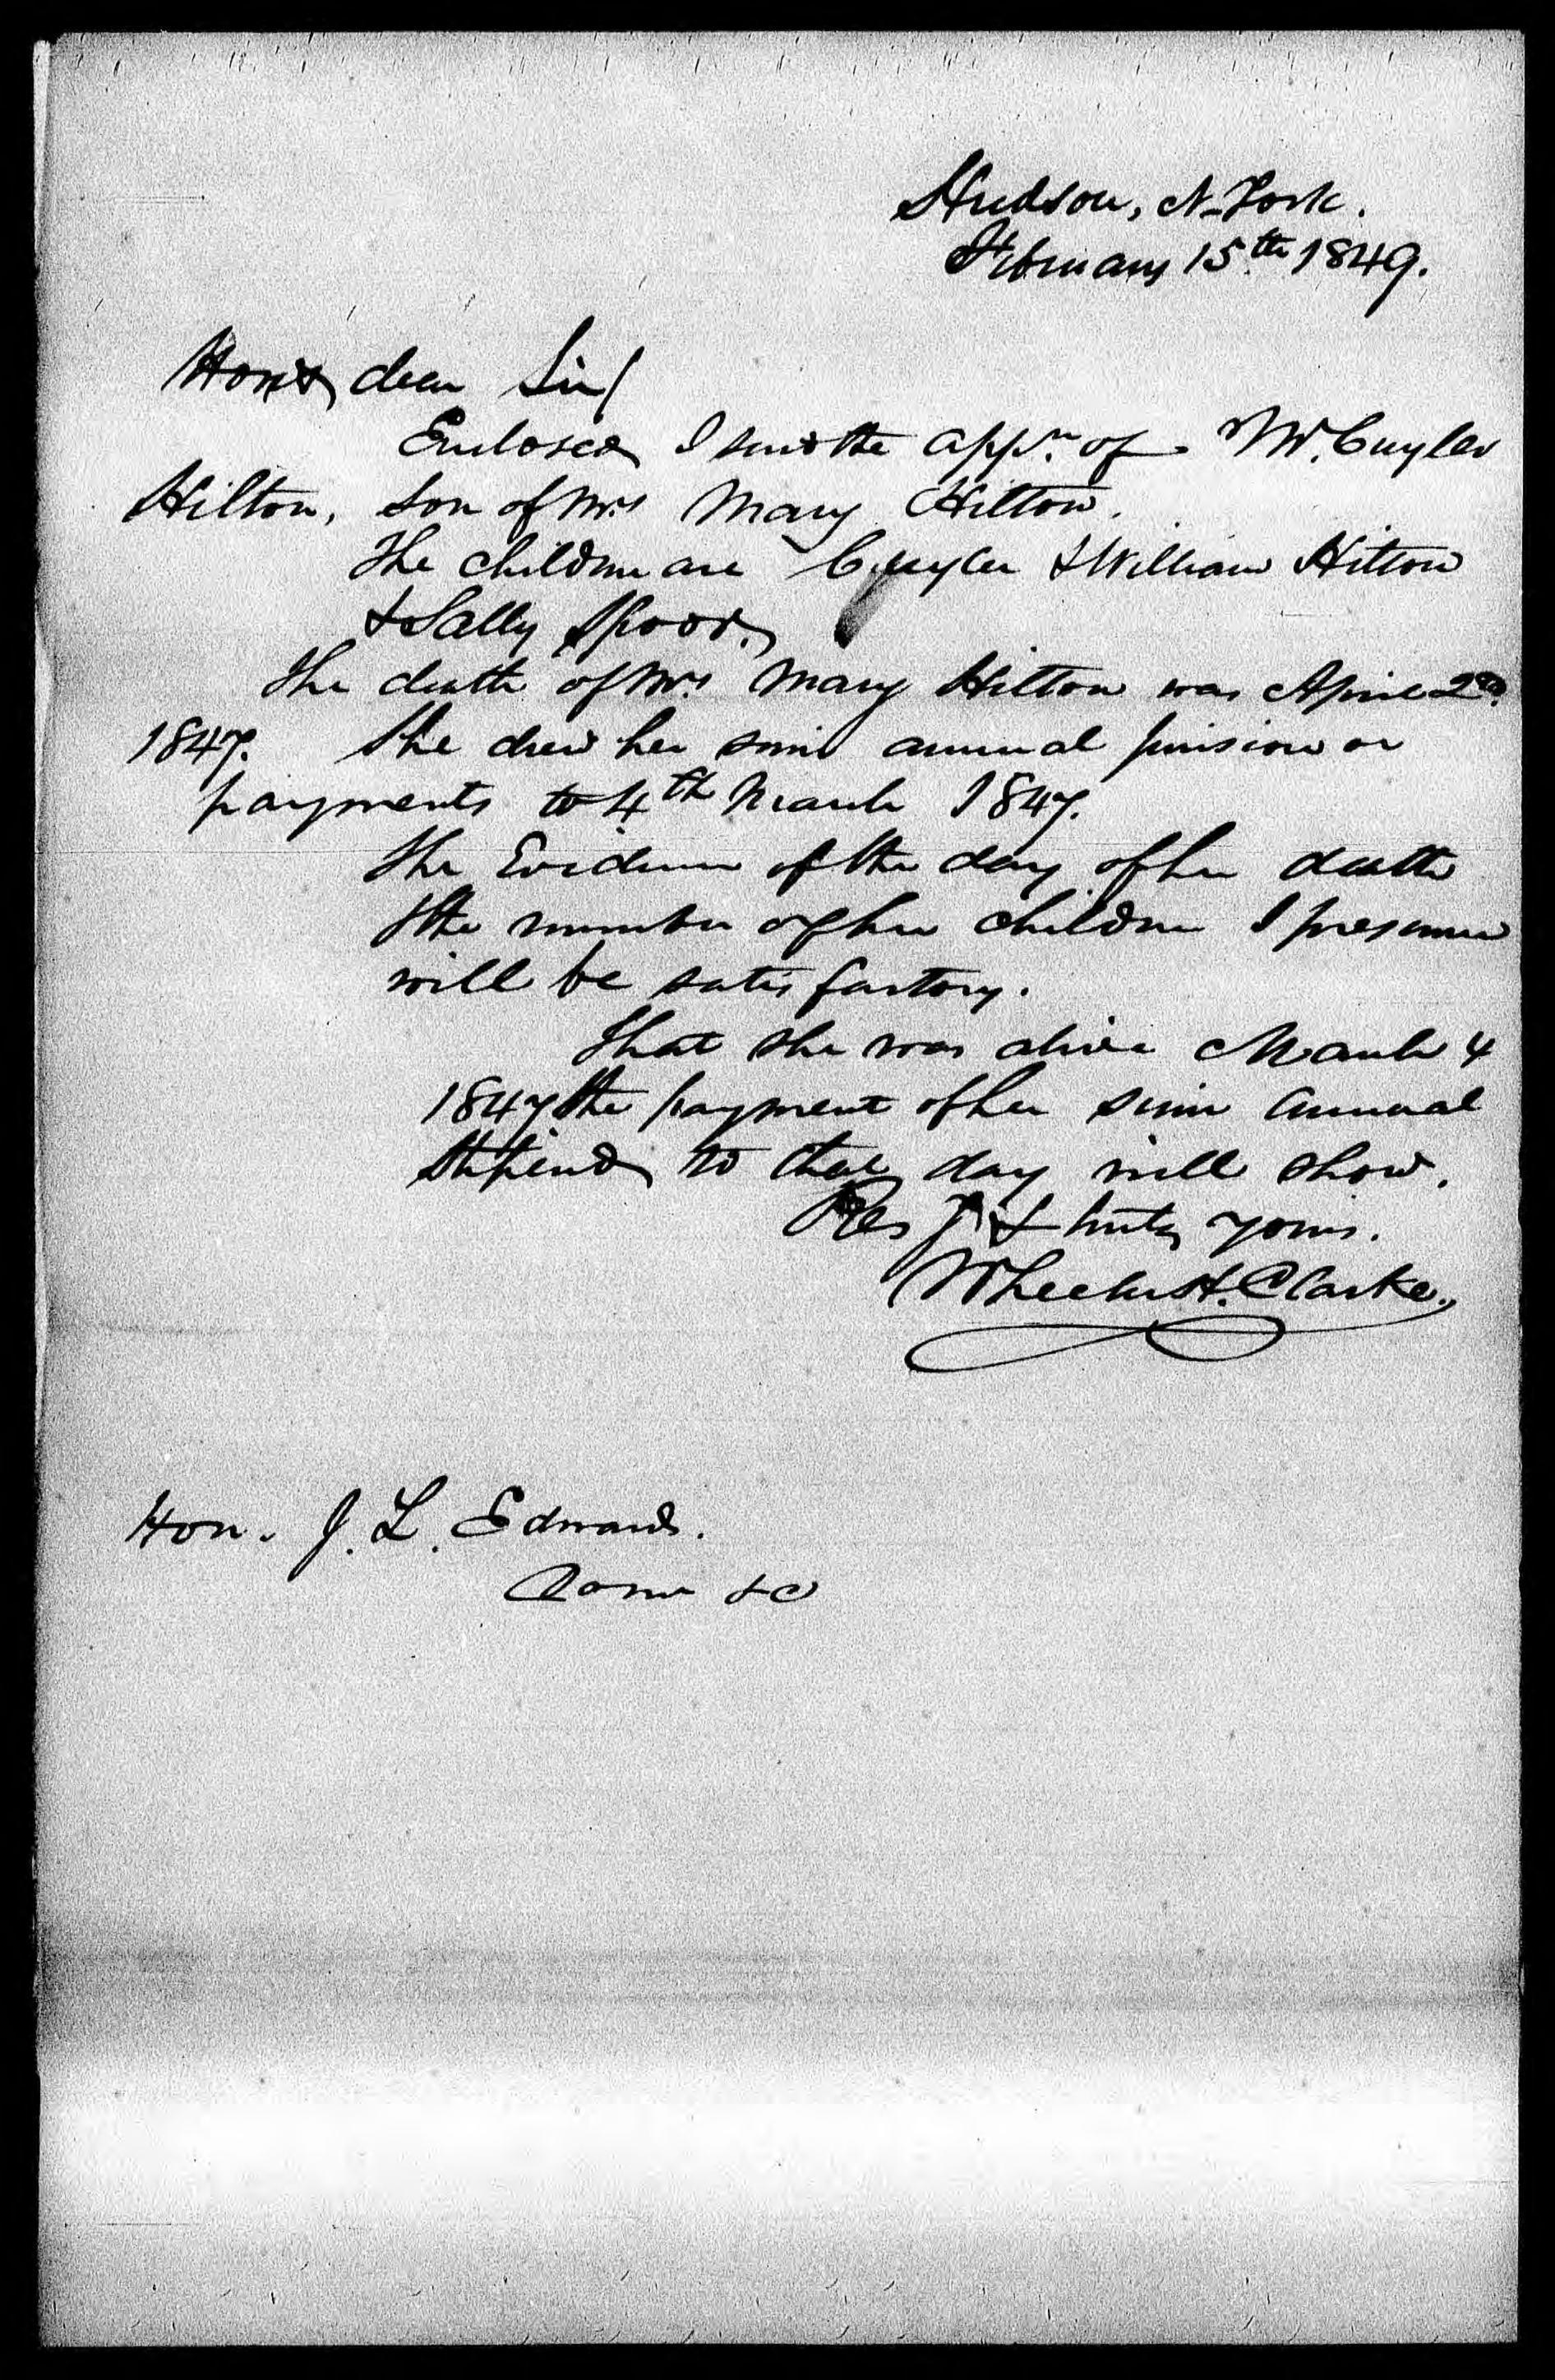Hudson, N York.
February 15th 1849.

Hons dear Sir/

Enclosed I sent the appl. of M. Culyer Hilton, Son of Mrs. Mary Hilton. 

The children are Cuyler William Hilton [and] Sally Spoor. 

The death of Mrs. Mary Hilton was April 20 1847. She drew her semi annual pension or payments to 4th March 1847. 

The Evidence of the day of her death the number of her children I presume will be satisfactory. 

That she was alive March 4 1847 the payment of her semi annual stipend to that day will show. 

Respectfully yours,

Wheeler H. Clarke

Hon. J.L. Edwards.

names: Sally Spoor, Cuyler Hilton, Mary Hilton, William Hilton, Cuyler Hilton, Wheeler H Clarke, J L Edwards, Mary Hilton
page: 30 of 48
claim: widow's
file: W. 19788, Jacob W Hilton, New York